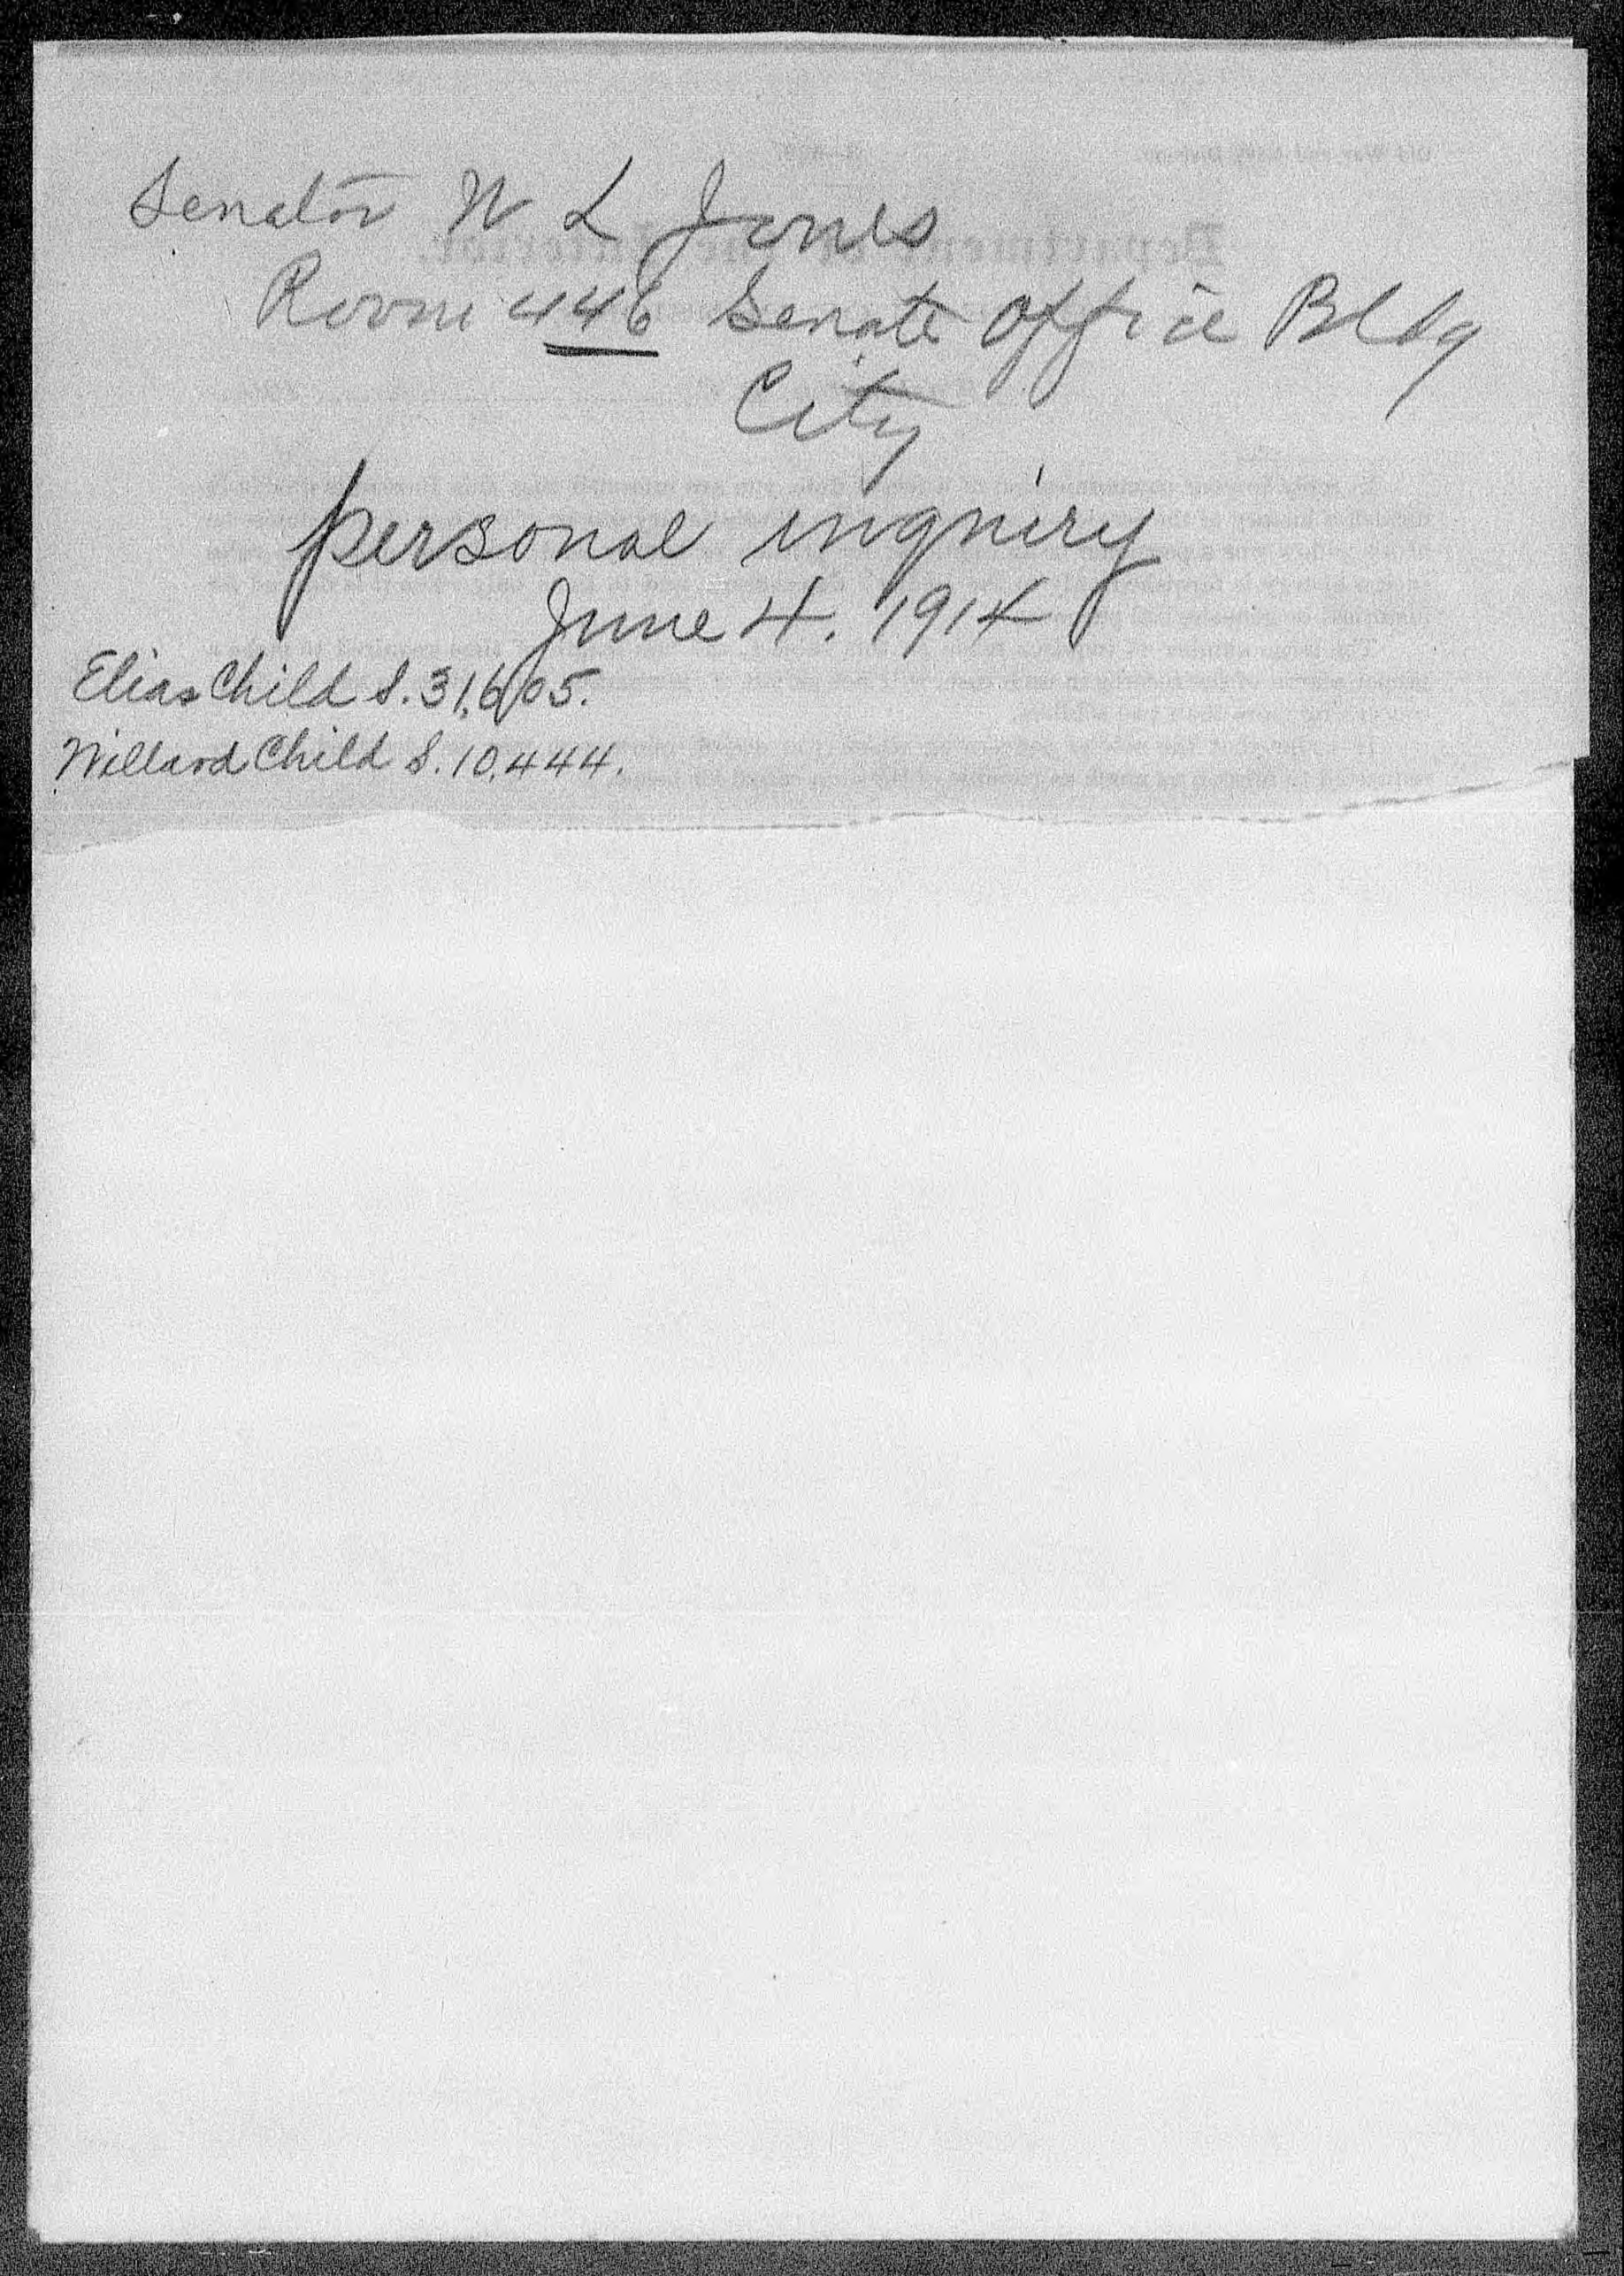sender WL Jones
Room 446 Senate Office Bldg City
Personal inquiry
June 4, 1914
Elias Child S.31,605
Willard Child S.10.444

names: W L Jones, Willard Child, Elias Child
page: 26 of 34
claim: survivor's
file: S. 31,605, Elias Child, Conn.